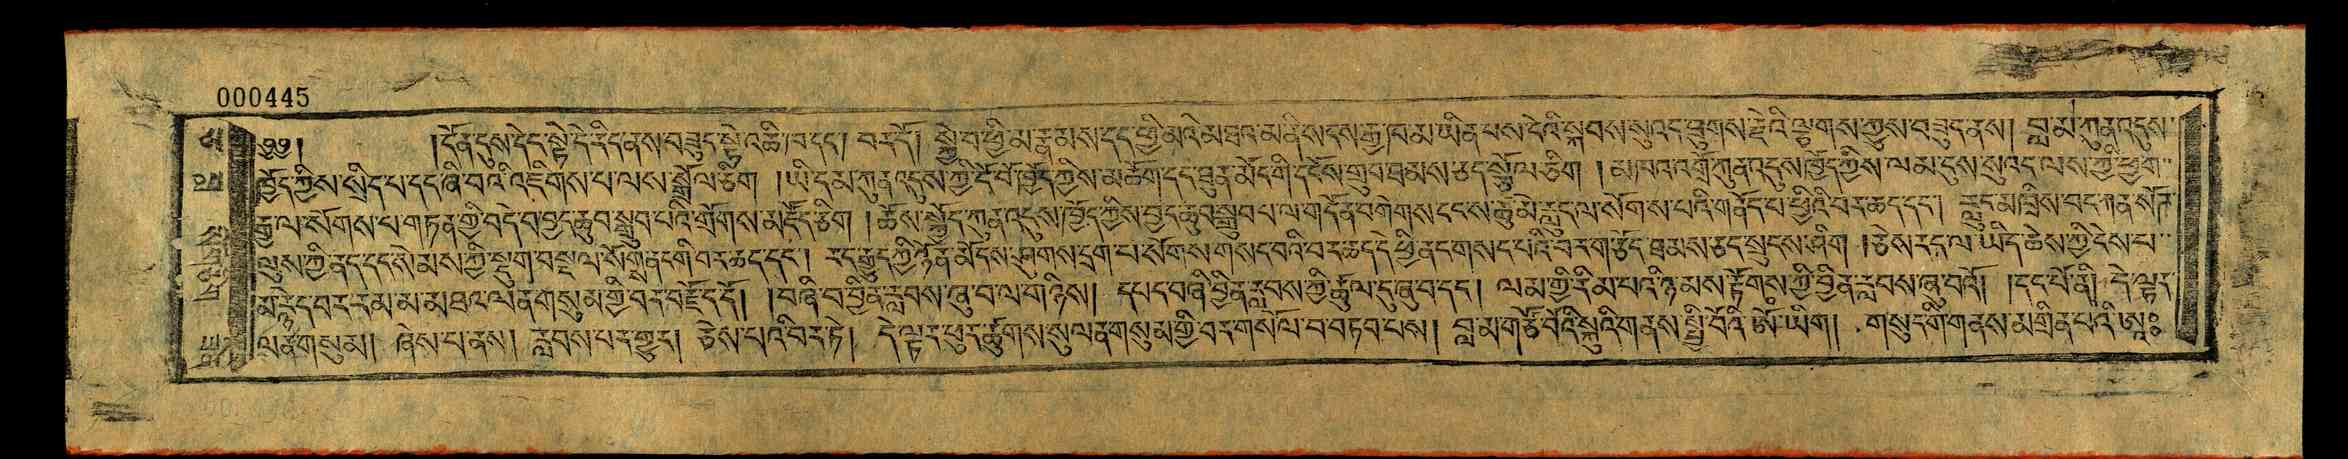༄༅། །དོན་དུས་དེང་སྟེ་དེ་རིང་ནས་བཟུང་སྟེ་འཆི་ཁ་དང་། བར་དོ། སྐྱེ་བ་ཕྱི་མ་རྣམས་དང་ཕྱི་མའི་མཐའ་མ་ནི་སངས་རྒྱ་ཁ་མ་ཡིན་པས་དེའི་སྐབས་སུའང་ཐུགས་རྗེའི་ལྕགས་ཀྱུས་བཟུང་ནས། བླ་མ་ཀུན་འདུས་
ཁྱོད་ཀྱིས་སྲིད་པ་དང་ཞི་བའི་འཇིགས་པ་ལས་སྒྲོལ་ཅིག །ཡི་དམ་ཀུན་འདུས་ཀྱི་ངོ་བོ་ཁྱོད་ཀྱིས་མཆོག་དང་ཐུན་མོང་གི་དངོས་གྲུབ་ཐམས་ཅད་སྩོལ་ཅིག །མཁའ་འགྲོ་ཀུན་འདུས་ཁྱོད་ཀྱིས་ལམ་དུས་སུའང་ལས་ཀྱི་ཕྱག་
རྒྱལ་སོགས་པ་གཏན་གྱི་བདེ་བ་བྱང་ཆུབ་སྒྲུབ་པའི་གྲོགས་མཛོད་ཅིག །ཆོས་སྐྱོང་ཀུན་འདུས་ཁྱོད་ཀྱིས་བྱང་ཆུབ་སྒྲུབ་པ་ལ་གདོན་བགེགས་དང་ས་ཆུ་མེ་རླུང་ལ་སོགས་པའི་གནོད་པ་ཕྱིའི་བར་ཆད་དང་། རླུང་མཁྲིས་བད་ཀན་སོགས་
ལུས་ཀྱི་ནད་དང་སེམས་ཀྱི་སྡུག་བསྔལ་སོགས་ནང་གི་བར་ཆད་དང་། རང་རྒྱུད་ཀྱི་ཉོན་མོངས་ཤུགས་དྲག་པོ་སོགས་གསང་བའི་བར་ཆད་དེ་ཕྱི་ནང་གསང་བའི་བར་གཅོད་ཐམས་ཅད་སྲུངས་ཤིག །ཅེས་རང་ལ་ཡིད་ཆེས་ཀྱི་ངེས་པ་
མ་རྙེད་པར་རམ་མ་མཐའ་ལན་གསུམ་གྱི་བར་བརྗོད་དོ། །བཞི་པ་བྱིན་རླབས་ཞུ་བ་ལ་གཉིས། དབང་བཞི་བྱིན་རླབས་ཀྱི་ཚུལ་དུ་ཞུ་བ་དང་། ལམ་གྱི་རིམ་པའི་ཉམས་རྟོགས་ཀྱི་བྱིན་རླབས་ཞུ་བའོ། །དང་པོ་ནི། དེ་ལྟར་
ལན་གསུམ། ཞེས་པ་ནས། རླབས་པར་གྱུར། ཅེས་པའི་བར་ཏེ། དེ་ལྟར་ཕུར་ཚུགས་སུ་ལན་གསུམ་གྱི་བར་གསོལ་བ་བཏབ་པས། བླ་མ་གཙོ་བོའི་སྐུའི་གནས་སྤྱི་བོའི་ཨོཾ་ཡིག །གསུང་གི་གནས་མགྲིན་པའི་ཨཱཿ